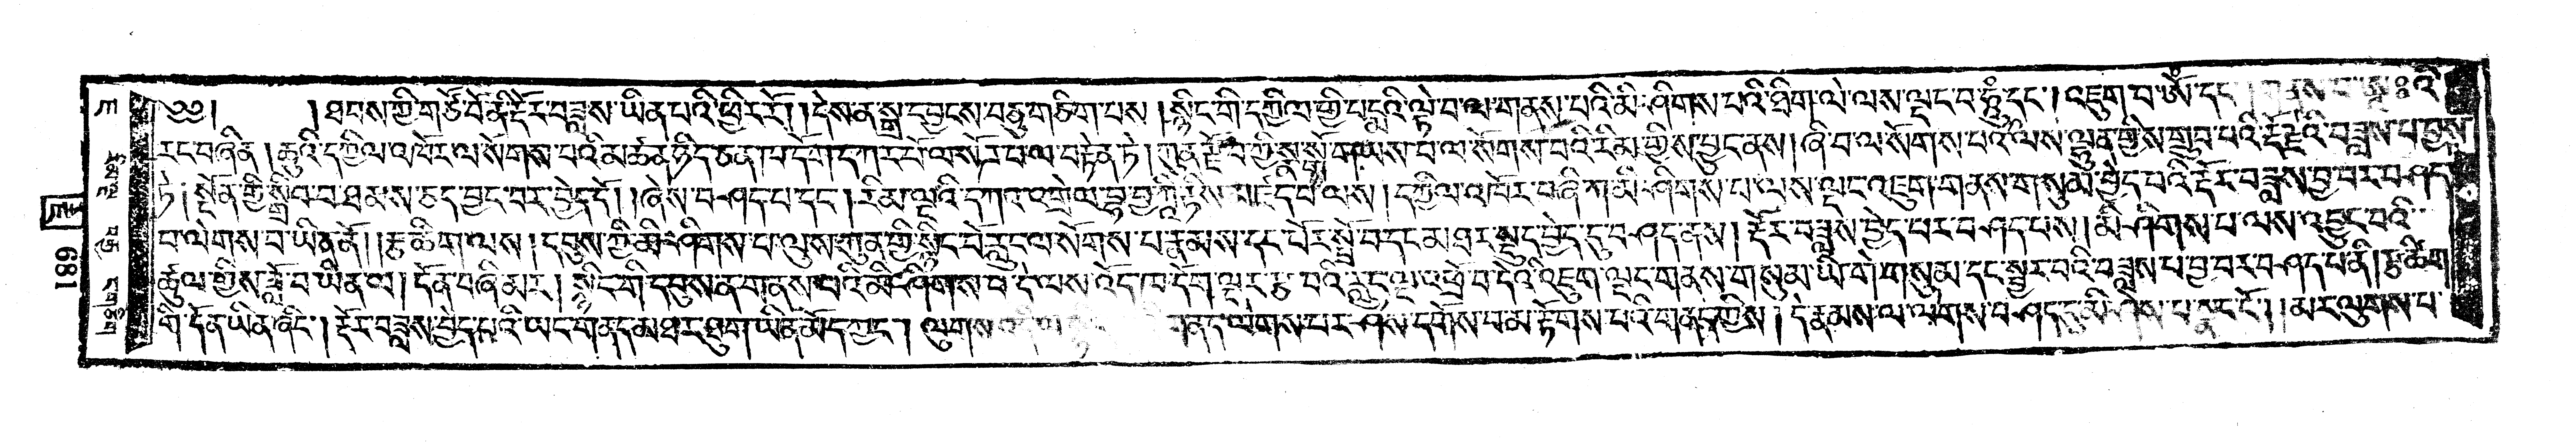༄༅། །ཐབས་ཀྱི་གཙོ་བོ་ནི་རྡོར་བཟླས་ཡིན་པའི་ཕྱིར་རོ། །དེས་ན་སྒྲ་དབྱངས་བཅུ་གཅིག་པས། སྙིང་གི་དཀྱིལ་གྱི་པདམའི་ལྟེ་བ་ལ་གནས་པའི་མི་ཤིགས་པའི་ཐིག་ལེ་ལས་ལྡང་བ་ཧཱུཾ་དང་། འཇུག་པ་ཨོཾ་དང་། གནས་པ་ཨཱཿ འི་
རང་བཞིན། ཆུའི་དཀྱིལ་འཁོར་ལ་སོགས་པའི་མཚན་ཉིད་ཅན་ཁ་དོག་དཀར་པོ་ལ་སོགས་པ་ལ་བརྟེན་ཏེ། ཀུན་རྫོབ་ཀྱི་སྣ་སྒོ་གཡས་པ་ལ་སོགས་པའི་རིམ་གྱིས་བྱུང་ནས། ཞི་བ་ལ་སོགས་པའི་ལས་ལྷུན་གྱིས་གྲུབ་པའི་རྡོ་རྗེའི་བཟླས་པ་བྱས་
ཏེ། སྔོན་གྱི་སྒྲིབ་པ་ཐམས་ཅད་བྱང་བར་བྱེད་དོ། །ཞེས་བཤད་པ་དང་། རིམ་ལྔའི་དཀའ་འགྲེལ་བྷ་བྱ་ཀཱི་རྟིས་མཛད་པ་ལས། དཀྱིལ་འཁོར་བཞི་ཀ་མི་ཤིགས་པ་ལས་ལྡང་འཇུག་གནས་གསུམ་བྱེད་པའི་རྡོར་བཟླས་བྱ་བར་བཤད་
པ་ལེགས་པ་ཡིན་ནོ། །རྩ་ཚིག་ལས། དབུས་ཀྱི་མི་ཤིགས་པ་ལུས་ཀུན་གྱི་སྙིང་པོ་རླུང་ལ་སོགས་པ་རྣམས་དང་པོར་སྤྲོ་བ་དང་མཐར་སྡུད་བྱེད་དུ་བཤད་ནས། རྡོར་བཟླས་བྱེད་པར་བཤད་པས། མི་ཤིགས་པ་ལས་འབྱུང་བའི་
ཚུལ་གྱིས་ཟློ་བ་ཡིན་ལ། དོན་བཞི་མར། སྙིང་གི་དབུས་ན་གནས་པའི་མི་ཤིགས་པ་དེ་ལས་འོད་ཁ་དོག་ལྔར་རྩ་བའི་རླུང་ལྔ་འཕྲོ་བ་དེའི་འཇུག་ལྡང་གནས་གསུམ་ཡི་གེ་གསུམ་དང་སྦྱར་བའི་བཟླས་པ་བྱ་བར་བཤད་པ་ནི། རྩ་ཚིག་
གི་དོན་ཡིན་ཞིང་། རྡོར་བཟླས་བྱེད་པའི་ཡང་གནད་མཐར་ཐུག་ཡིན་མོད་ཀྱང་། ལུགས་འདི་ལ་སྙིང་ཁའི་གནད་ལེགས་པར་ཤེས་དགོས་པ་མ་རྟོགས་པའི་གནད་ཀྱིས། དེ་རྣམས་ལ་ལེགས་བཤད་དུ་མི་ཤེས་པ་སྣང་ངོ། །མར་ལུགས་པ་